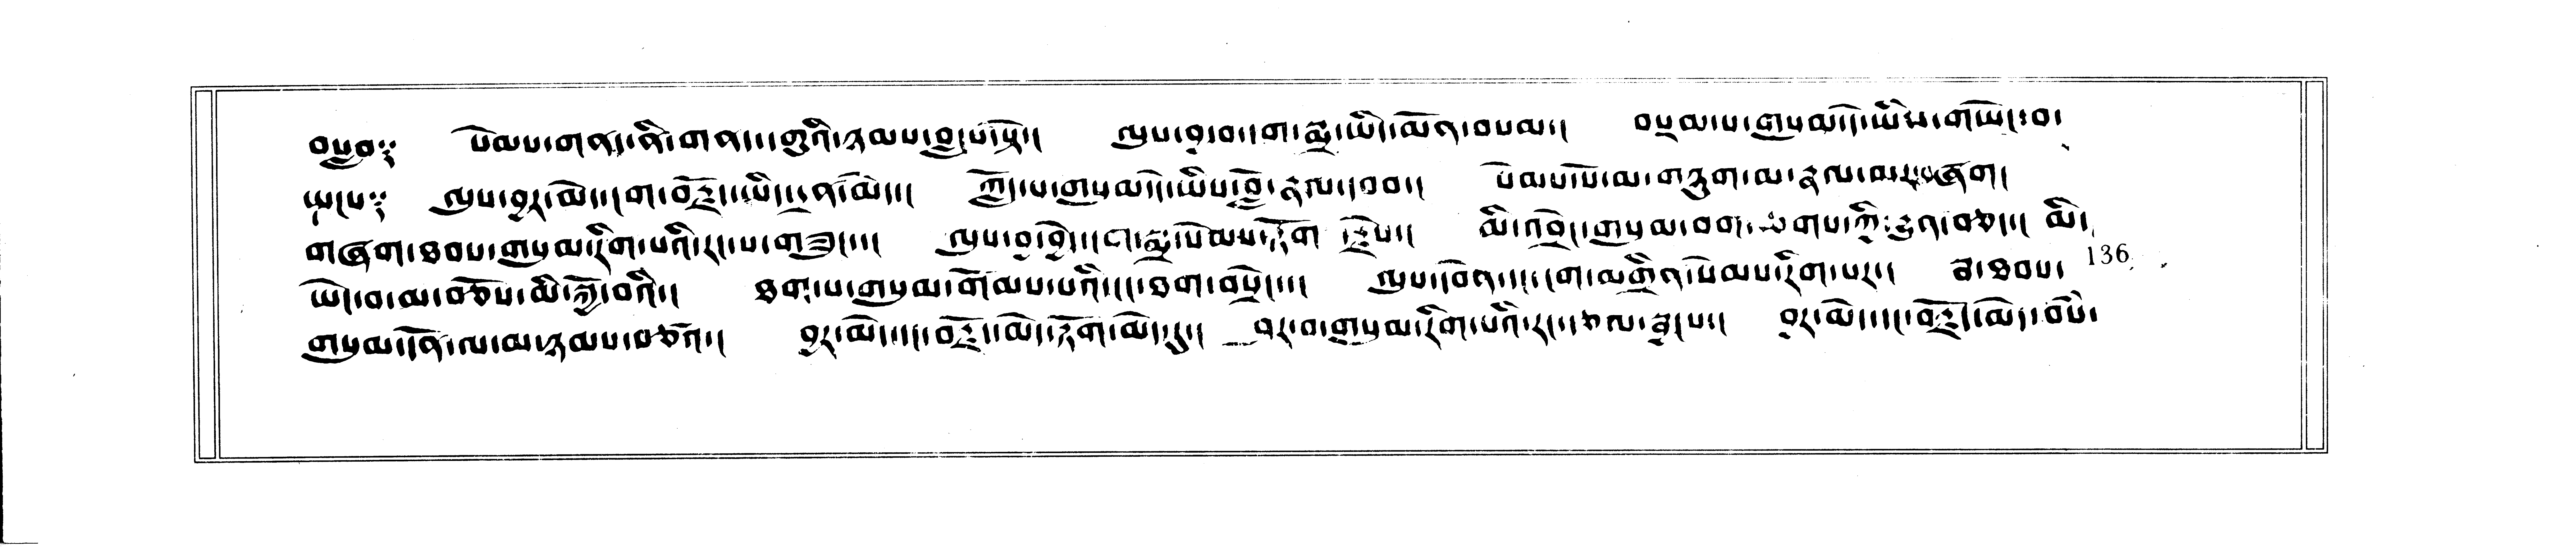བསླབ། །སེམས་གནད་ནི་གནད་དགུའི་ཉམས་བླང་སྟེ། །ལུས་བྱ་བ་ངག་སྨྲ་ཡིད་མནོ་བསམ། །བསྡམ་པ་གསུམ་དེ་ཡིས་གཡེང་བ་
སྤངས། །ལུས་བྱར་མེད་ངག་བརྗོད་ཡིད་དྲན་མེད། །ཀློད་པ་གསུམ་དེ་ཡིས་བློ་རྣལ་དབབ། །སེམས་སོ་མ་གཉུག་མར་རྣལ་མར་བཞག 
།གཞག་ཐབས་གསུམ་རིག་པའི་རང་ས་བཟུང་། །ལུས་བྱ་བྱེད་ངག་སྨྲ་སེམས་རྟོག་རྗེས། །མི་འབྲེང་གསུམ་བག་ཆགས་ཀྱི་རྒྱུན་བཅད། །མི་
ཡེངས་བ་མ་བཅོས་མི་སྐྱོ་བའི། །ཐག་པ་གསུམ་གོམས་པའི་ངང་ཐག་བསྲིངས། །ལུས་དབེན་དང་ངག་མགྲིན་སེམས་རིག་པར། །སྦ་ཐབས་
གསུམ་དོན་ལ་མ་ཉམས་བཙའ། །བྱར་མེད་དང་བརྗོད་མེད་རྟོག་མེད་དུ། །ཤར་བ་གསུམ་རིག་པའི་རང་རྩལ་སྦྱངས། །བྱར་མེད་དང་བརྗོད་མེད་བསམ་